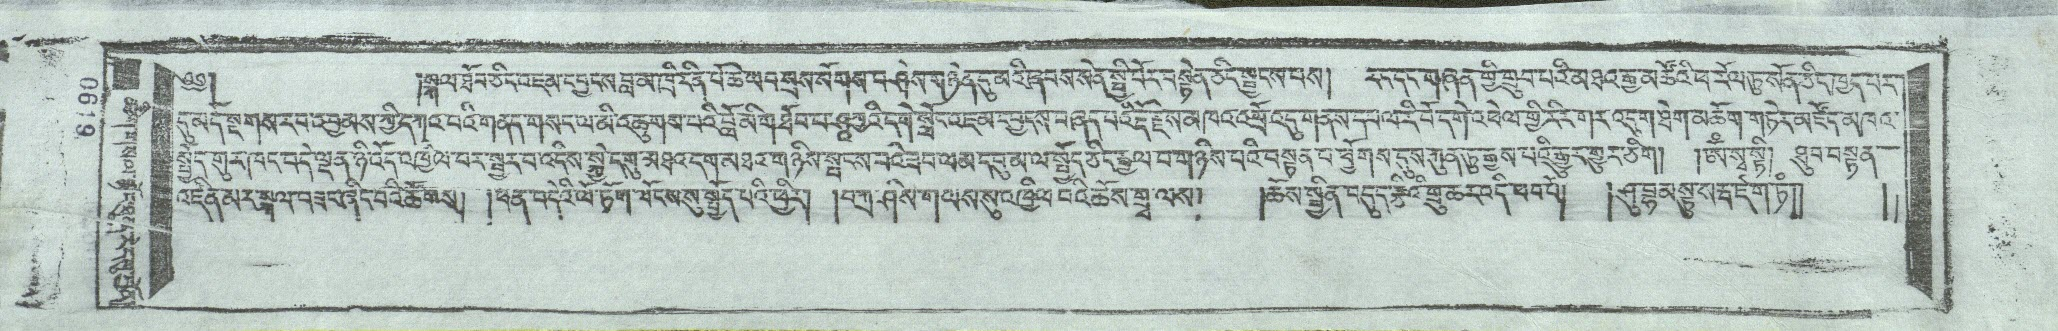༄༅། །སྐལ་ཐོབ་ཅིང་འཇམ་དབྱངས་བླ་མ་ཁྲི་རིན་པོ་ཆེ་ཡབ་སྲས་སོགས་བཤེས་གཉེན་དུ་མའི་ཞབས་སེན་སྤྱི་བོར་བསྟེན་ཅིང་སྦྱངས་པས། རང་དང་གཞན་གྱི་གྲུབ་པའི་མཐའ་རྒྱ་མཚོའི་ཕ་རོལ་ཏུ་སོན་ཅིང་ཁྱད་པར་
དུ་མདོ་སྔགས་རབ་འབྱམས་ཀྱི་དཀའ་བའི་གནད་གསང་ལ་མི་འཆུགས་པའི་བློ་མིག་ཐོབ་པ་ཤཱཀྱའི་དགེ་སློང་འཇམ་དབྱངས་བཞད་པའི་རྡོ་རྗེས་མཁའ་འགྲོ་འདུ་གནས་དཔལ་རི་བོ་དགེ་འཕེལ་གྱི་རིར་གར་འདུག་ཐེག་མཆོག་གཏེར་མཛོད་མཁའ་
སྤྱོད་གུར་ཁང་བདེ་ལྡན་ཉི་འོད་འཁྱིལ་པར་སྦྱར་བ་འདིས་སྐྱེ་དགུ་མཐའ་དག་མཐའ་གཉིས་སྤངས་པའི་ཟབ་ལམ་དབུ་མ་ལ་སྤྱོད་ཅིང་རྒྱལ་བ་གཉིས་པའི་བསྟན་པ་ཕྱོགས་དུས་ཀུན་ཏུ་རྒྱས་པའི་རྒྱུར་གྱུར་ཅིག། །ཨོཾ་སྭ་སྟི། ཐུབ་བསྟན་
འཛིན་མར་སྐལ་བཟང་ཞིང་བའི་ཚོགས། །ཕན་བདེའི་ལོ་ཏོག་ལོངས་སུ་སྤྱོད་པའི་ཕྱིར། །བཀྲ་ཤིས་གཡས་སུ་འཁྱིལ་བའི་ཆོས་གྲྭ་ལས། །ཆོས་སྦྱིན་བདུད་རྩིའི་གྲུ་ཆར་འདི་ཕབ་པོ། །ཤུ་བྷམ་སྟུ་སརྦ་ཛ་ག་ཏི།། །།